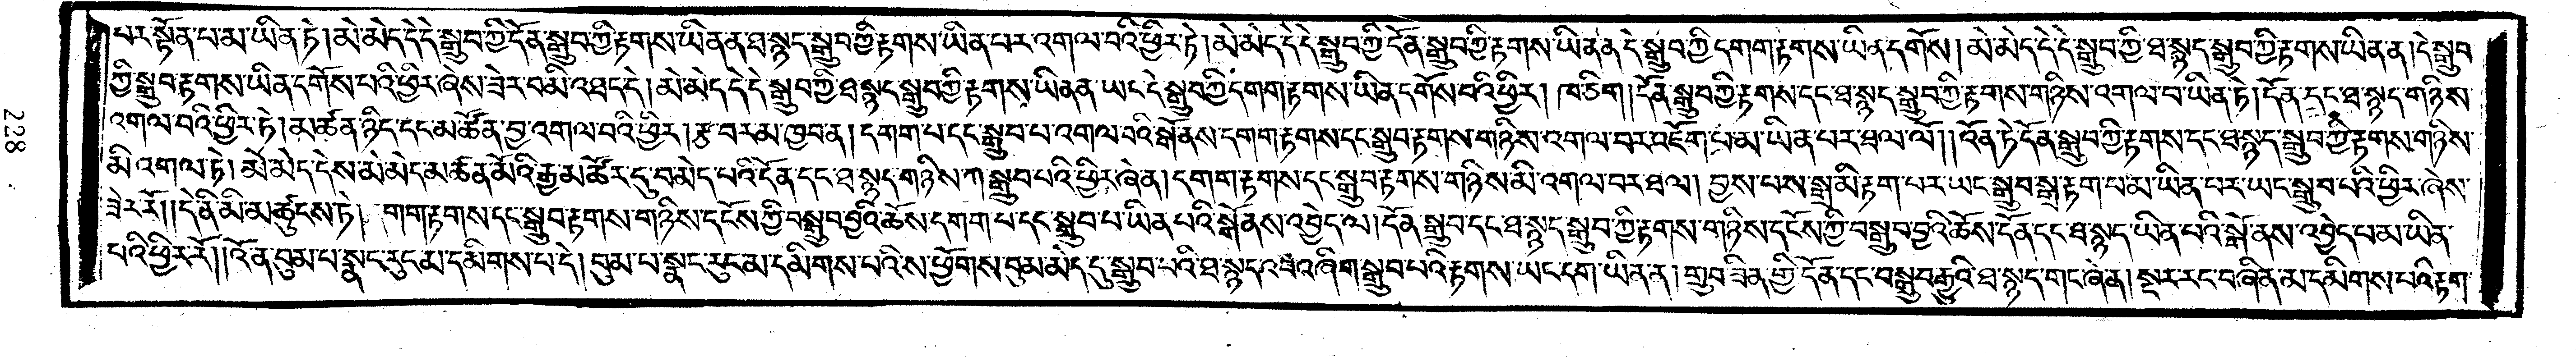པར་སྟོན་པ་མ་ཡིན་ཏེ། མེ་མེད་དེ་དེ་སྒྲུབ་ཀྱི་དོན་སྒྲུབ་ཀྱི་རྟགས་ཡིན་ན་ཐ་སྙད་སྒྲུབ་ཀྱི་རྟགས་ཡིན་པར་འགལ་བའི་ཕྱིར་ཏེ། མེ་མེད་དེ་དེ་སྒྲུབ་ཀྱི་དོན་སྒྲུབ་ཀྱི་རྟགས་ཡིན་ན་དེ་སྒྲུབ་ཀྱི་དགག་རྟགས་ཡིན་དགོས། མེ་མེད་དེ་དེ་སྒྲུབ་ཀྱི་ཐ་སྙད་སྒྲུབ་ཀྱི་རྟགས་ཡིན་ན། དེ་སྒྲུབ་
ཀྱི་སྒྲུབ་རྟགས་ཡིན་དགོས་པའི་ཕྱིར་ཞེས་ཟེར་བ་མི་འཐད་དེ། མེ་མེད་དེ་དེ་སྒྲུབ་ཀྱི་ཐ་སྙད་སྒྲུབ་ཀྱི་རྟགས་ཡིན་ན་ཡང་དེ་སྒྲུབ་ཀྱི་དགག་རྟགས་ཡིན་དགོས་པའི་ཕྱིར། ཁ་ཅིག །དོན་སྒྲུབ་ཀྱི་རྟགས་དང་ཐ་སྙད་སྒྲུབ་ཀྱི་རྟགས་གཉིས་འགལ་བ་ཡིན་ཏེ། དོན་དང་ཐ་སྙད་གཉིས་
འགལ་བའི་ཕྱིར་ཏེ། མཚན་ཉིད་དང་མཚོན་བྱ་འགལ་བའི་ཕྱིར། རྩ་བར་མ་ཁྱབ་ན། དགག་པ་དང་སྒྲུབ་པ་འགལ་བའི་སྒོ་ནས་དགག་རྟགས་དང་སྒྲུབ་རྟགས་གཉིས་འགལ་བར་འཇོག་པ་མ་ཡིན་པར་ཐལ་ལོ། །འོན་ཏེ་དོན་སྒྲུབ་ཀྱི་རྟགས་དང་ཐ་སྙད་སྒྲུབ་ཀྱི་རྟགས་གཉིས་
མི་འགལ་ཏེ། མེ་མེད་དེས་མེ་མེད་མཚན་མོའི་རྒྱ་མཚོར་དུ་བ་མེད་པའི་དོན་དང་ཐ་སྙད་གཉིས་ཀ་སྒྲུབ་པའི་ཕྱིར་ཞེ་ན། དགག་རྟགས་དང་སྒྲུབ་རྟགས་གཉིས་མི་འགལ་བར་ཐལ། བྱས་པས་སྒྲ་མི་རྟག་པར་ཡང་སྒྲུབ་སྒྲ་རྟག་པ་མ་ཡིན་པར་ཡང་སྒྲུབ་པའི་ཕྱིར་ཞེས་
ཟེར་རོ། །དེ་ནི་མི་མཚུངས་ཏེ། དགག་རྟགས་དང་སྒྲུབ་རྟགས་གཉིས་དངོས་ཀྱི་བསྒྲུབ་བྱའི་ཆོས་དགག་པ་དང་སྒྲུབ་པ་ཡིན་པའི་སྒོ་ནས་འབྱེད་ལ། དོན་སྒྲུབ་དང་ཐ་སྙད་སྒྲུབ་ཀྱི་རྟགས་གཉིས་དངོས་ཀྱི་བསྒྲུབ་བྱའི་ཆོས་དོན་དང་ཐ་སྙད་ཡིན་པའི་སྒོ་ནས་འབྱེད་པ་མ་ཡིན་
པའི་ཕྱིར་རོ། །འོ་ན་བུམ་པ་སྣང་རུང་མ་དམིགས་པ་དེ། བུམ་པ་སྣང་རུང་མ་དམིགས་པའི་ས་ཕྱོགས་བུམ་མེད་དུ་སྒྲུབ་པའི་ཐ་སྙད་འབའ་ཞིག་སྒྲུབ་པའི་རྟགས་ཡང་དག་ཡིན་ན། གྲུབ་ཟིན་གྱི་དོན་དང་བསྒྲུབ་རྒྱུའི་ཐ་སྙད་གང་ཞེ་ན། སྔར་རང་བཞིན་མ་དམིགས་པའི་རྟགས་